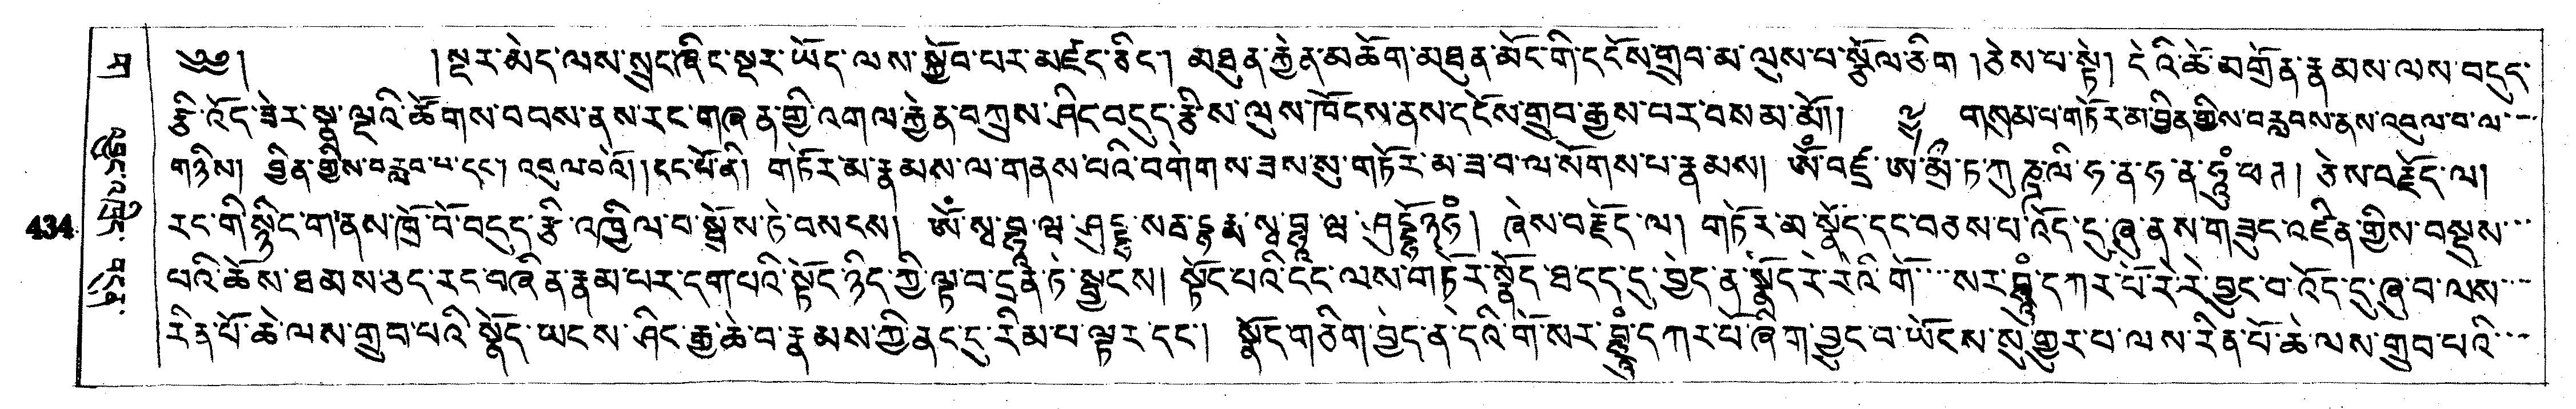༄༅། །སྔར་མེད་ལས་སྲུང་ཞིང་སྔར་ཡོད་ལས་སྐྱོབ་པར་མཛད་ཅིང་། མཐུན་རྐྱེན་མཆོག་མཐུན་མོང་གི་དངོས་གྲུབ་མ་ལུས་པ་སྩོལ་ཅིག །ཅེས་པ་སྟེ། དེའི་ཚེ་མགྲོན་རྣམས་ལས་བདུད་
རྩི་འོད་ཟེར་སྣ་ལྔའི་ཚོགས་བབས་ནས་རང་གཞན་གྱི་འགལ་རྐྱེན་བཀྲུས་ཤིང་བདུད་རྩི་ས་?་ལུས་ཁོངས་ནས་དངོས་གྲུབ་རྒྱས་པར་བསམ་མོ།། ༈ གསུམ་པ་གཏོར་མ་བྱིན་གྱིས་བརླབས་ནས་འབུལ་བ་ལ་
གཉིས། བྱིན་གྱིས་བརླབ་པ་དང་། འབུལ་བའོ། །དང་པོ་ནི། གཏོར་མ་རྣམས་ལ་གནས་པའི་བགེགས་ཟས་སུ་གཏོར་མ་ཟ་བ་ལ་སོགས་པ་རྣམས། ཨོཾ་བཛྲ་ཨ་མྲྀ་ཏ་ཀུཎྜ་ལི་ཧ་ན་ཧ་ན་ཧཱུཾ་ཕཊ། ཅེས་བརྗོད་ལ།
རང་གི་སྙིང་ག་ནས་ཁྲོ་བོ་བདུད་རྩི་འཁྱིལ་བ་སྤྲོས་ཏེ་བསངས། ཨོཾ་སྭ་བྷཱ་ཝ་ཤུདྡྷ་སརྦ་དྷརྨ་སྭ་བྷཱ་ཝ་ཤུདྡྷོ་ཉཧཾ། ཞེས་བརྗོད་ལ། གཏོར་མ་སྣོད་དང་བཅས་པ་འོད་དུ་ཞུ་ནས་གཟུང་འཛིན་གྱིས་བསྡུས་
པའི་ཆོས་ཐམས་ཅད་རང་བཞིན་རྣམ་པར་དག་པའི་སྟོང་ཉིད་ཀྱི་ལྟ་བ་དྲན་ཏེ་སྦྱངས། སྟོང་པའི་ངང་ལས་གཏོར་སྣོད་ཐ་དད་དུ་བྱེད་ན་སྣོད་རེ་རེའི་གོ་སར་བྷྲཱུཾ་དཀར་པོ་རེ་རེ་བྱུང་བ་འོད་དུ་ཞུ་བ་ལས་
རིན་པོ་ཆེ་ལས་གྲུབ་པའི་སྣོད་ཡངས་ཤིང་རྒྱ་ཆེ་བ་རྣམས་ཀྱི་ནང་དུ་རིམ་པ་ལྟར་དང་། སྣོད་གཅིག་བྱེད་ན་དེའི་གོ་སར་བྷྲཱུཾ་དཀར་པོ་ཞིག་བྱུང་བ་ཡོངས་སུ་གྱུར་པ་ལས་རིན་པོ་ཆེ་ལས་གྲུབ་པའི་